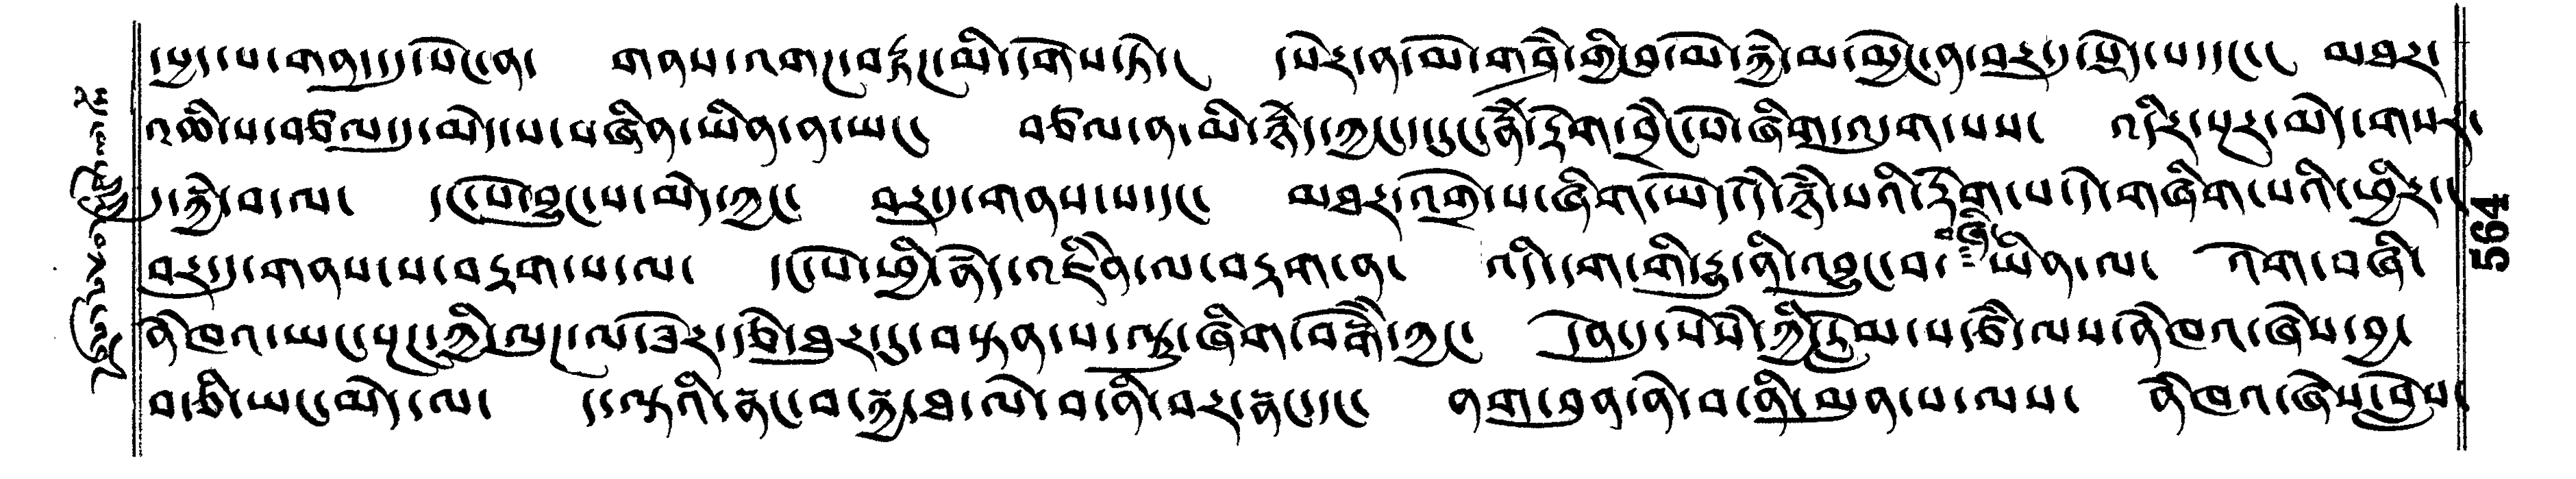དཔྱད་པ་གནད་དུ་སོང་ན། གནས་འགག་བརྟགས་མི་དགོས་ཏེ། དཔེར་ན་མོ་གཤམ་གྱི་བུ་མོ་སྐྱེ་མ་མྱོང་ན་བར་དུ་སྡོད་པ་དང་། མཐར་
འཆི་བ་བཙལ་དུ་མེད་པ་བཞིན་ཡིན་ན་ཡང་། བཙལ་ན་མི་རྙེད་ཀྱང་ད་དུང་རྣམ་རྟོག་བྲེང་བྲེང་པོ་ཞིག་འདུག་པས། འདིར་སྔར་མེད་གསར་
དུ་སྐྱེ་བ་ལ། དང་པོ་བྱུང་ས་མེད་ཀྱང་། བར་དུ་གནས་པ་དང་། མཐར་འགྲོ་ས་ཞིག་ཡོད་དམ་སྙམ་པའི་རྟོག་པ་དེ་ཞིག་པའི་ཕྱིར་
བར་དུ་གནས་པ་བརྟག་པ་ལ། དང་པོ་ཕྱི་སྣོད་འཇིག་རྟེན་ལ་བརྟག་ན། འདི་དག་གི་རྒྱུ་ནི་འབྱུང་བ་བཞི་ཡིན་ལ། འོག་བཞི་
ནམ་མཁའ་ཡང་སྔགས་ཀྱི་ལུགས་ལ་ཟོར་རྩེ་ཐུར་དུ་བསྟན་པ་ལྟ་བུ་ཞིག་བསྒོམ་ཀྱང་། དོན་དུ་སེམས་ཀྱི་རློམ་པ་ཙམ་ལས་ནམ་མཁའ་ཞེས་བྱ་
བ་ཅི་ཡང་མེད་ལ། ད་ལྟའི་སྣང་བ་སྐྱ་ཐ་ལེ་བ་ནི་བར་སྣང་དང་། ནག་བུན་ནེ་བ་ནི་མུན་པ་ལས། ནམ་མཁའ་ཞེས་བློས་